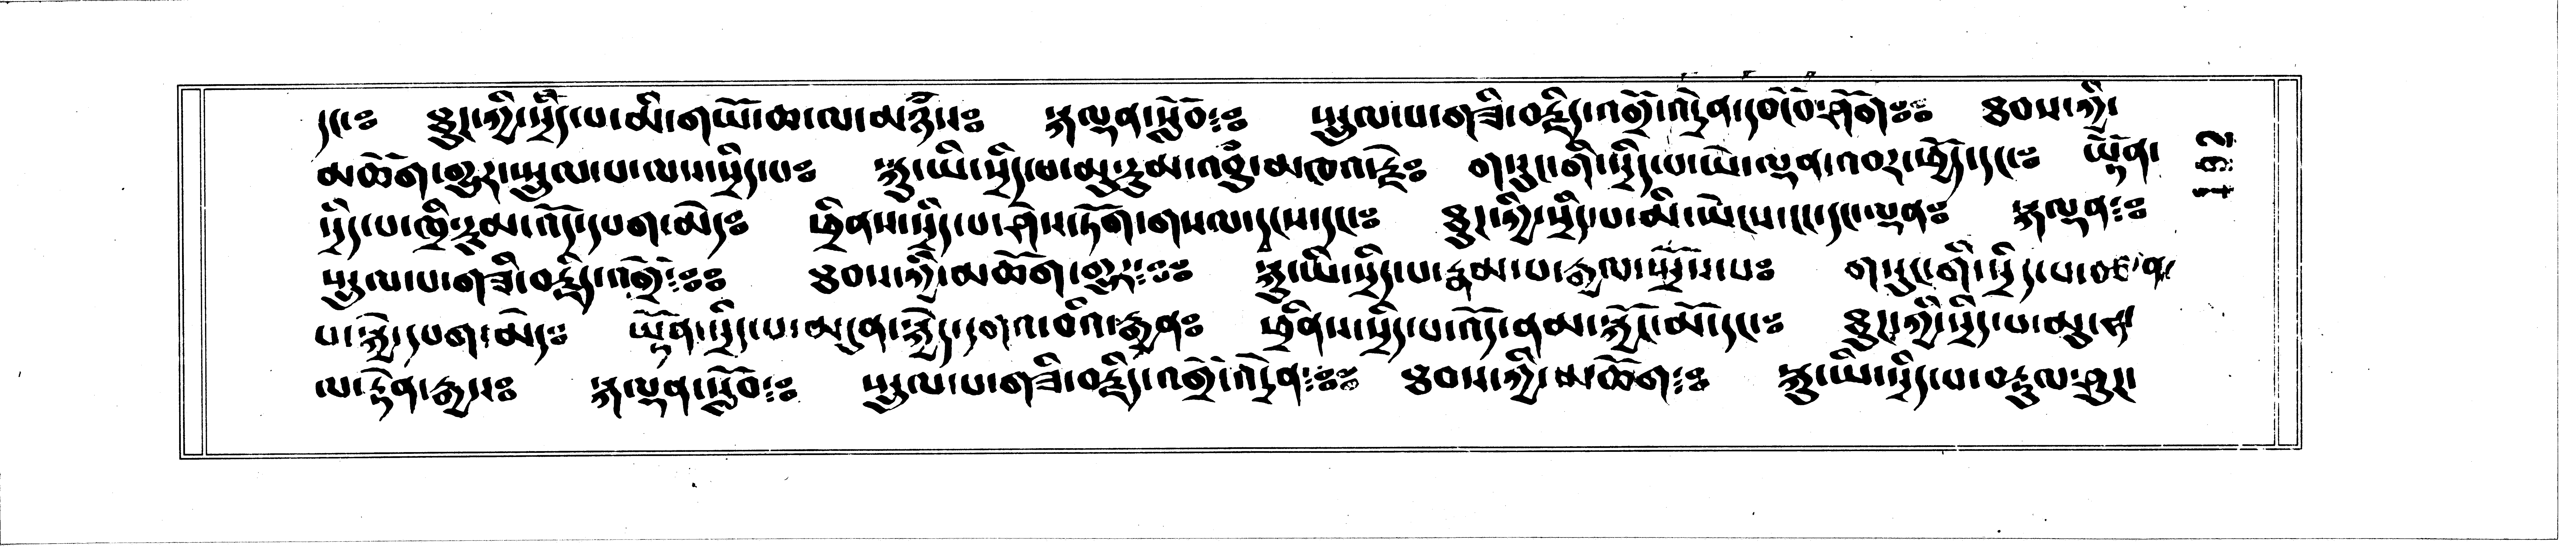དངཿ ཐུགས་ཀྱི་སྲིད་པ་མི་གཡོ་ཆ་ལ་མཉམ་ཡིསཿ སྐལ་ལྡན་སློབ་མ་རྣམས་ལ་དབང་བསྐུར་བསཿ སྤྲུལ་པ་གཟི་བརྗིད་འགྲོ་འདྲེན་དབང་ཐོབ་ཤོགཿ ཐབས་ཀྱི་
མཆོག་གྱུར་སྤྲུལ་པ་ལས་སྲིད་པའིཿ སྐུ་ཡི་སྲིད་པ་མུ་རུམ་འབུམ་མཁའ་རྗེཿ གསུང་གི་སྲིད་པ་ཡེ་ལྡན་འབར་ཕྱོད་པཿ ཡོན་ཏན་གྱི་
སྲིད་པ་ཁྲི་རུམ་འོད་དཔག་མེདཿ ཕྲིན་ལས་ཀྱི་སྲིད་པ་ཤེས་ཏོག་གསལ་དངཿ ཐུགས་ཀྱི་སྲིད་པ་མི་ཡེངས་ངང་དང་ལྡནཿ སྐལ་ལྡན་སློབ་མ་རྣམས་ལ་དབང་བསྐུར་བསཿ 
སྤྲུལ་པ་གཟི་བརྗིད་འགྲོ་འདྲེན་དབང་ཐོབ་ཤོགཿ ཐབས་ཀྱི་མཆོག་གྱུར་སྤྲུལ་པ་ལས་སྲིད་པའིཿ སྐུ་ཡི་སྲིད་པ་རྣམ་པ་རྒྱལ་སྤྲོས་པཿ གསུང་གི་སྲིད་པ་བཙན་
པ་སྐྱེད་དཔག་མེདཿ ཡོན་ཏན་གྱི་སྲིད་པ་འདུན་སྐྱེད་དགའ་བའི་རྒྱནཿ ཕྲིན་ལས་ཀྱི་སྲིད་པ་འོད་ནམ་སྐྱེད་མོ་དངཿ ཐུགས་ཀྱི་སྲིད་པ་མུ་ཧ་
ལ་རྟེན་རྒྱསཿ སྐལ་ལྡན་སློབ་མ་རྣམས་ལ་དབང་བསྐུར་བསཿ སྤྲུལ་པ་གཟི་བརྗིད་འགྲོ་འདྲེན་དབང་ཐོབ་ཤོགཿ ཐབས་ཀྱི་མཆོག་གྱུར་སྤྲུལ་པ་ལས་སྲིད་པའིཿ སྐུ་ཡི་སྲིད་པ་རྟུལ་ཤུགས་